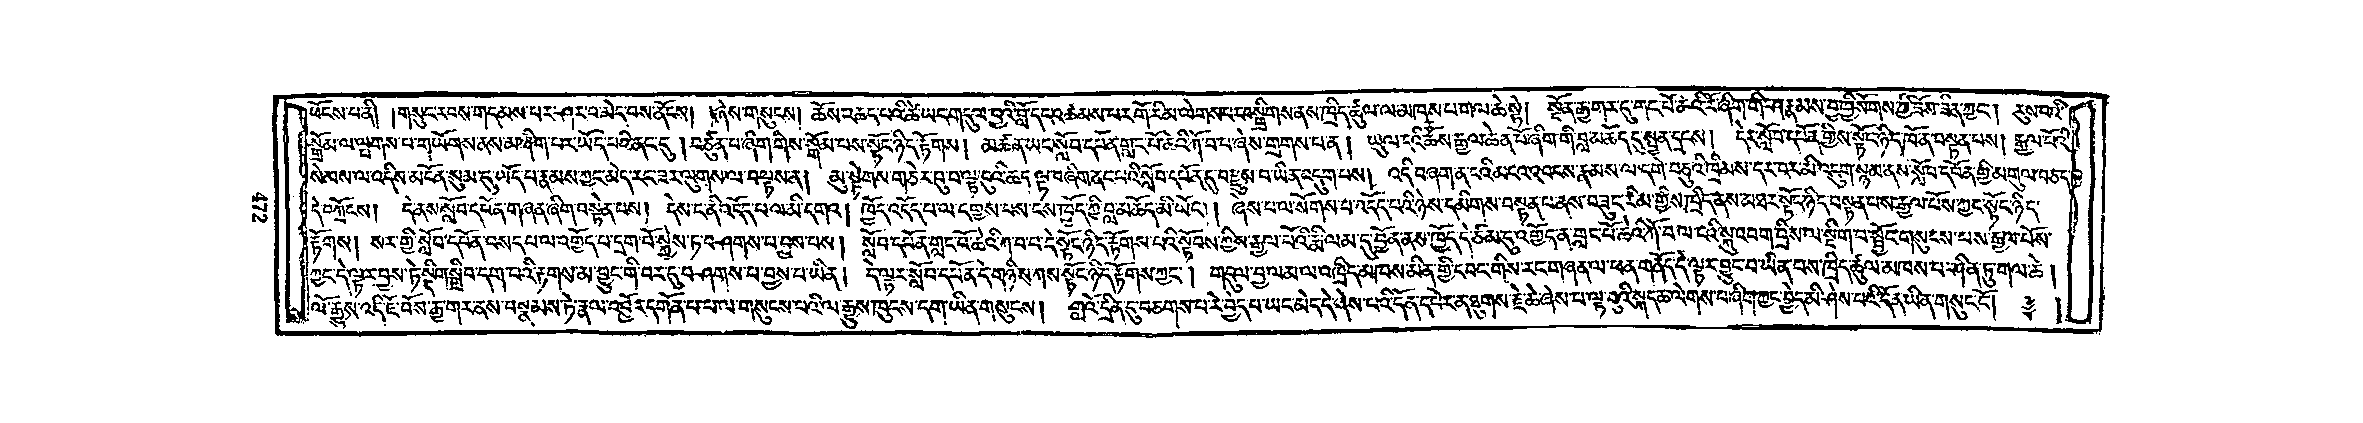ཕོངས་པ་ནི། །གསུང་རབས་གདམས་པར་ཤར་བ་མེད་པས་ནོངས། །ཞེས་གསུངས། ཆོས་འཆད་པའི་ཚེ་ཡང་གདུལ་བྱའི་བློ་དང་འཚམས་པར་གོ་རིམ་ལེགས་པར་བསྒྲིགས་ནས་ཁྲིད་ཚུལ་ལ་མཁས་པ་གལ་ཆེ་སྟེ། སྔོན་རྒྱ་གར་དུ་གང་པོ་ཆེའི་རོ་ཞིག་གི་ཤ་རྣམས་བྱ་ཁྱི་སོགས་ཀྱི་ཟོས་ཟིན་ཀྱང་། རུས་པའི་
སྒྲོམ་ལ་ལྤགས་པ་གཡོགས་ནས་མ་ཞིག་པར་ཡོད་པའི་ནང་དུ། བཙུན་པ་ཞིག་གིས་སྒོམ་པས་སྟོང་ཉིད་རྟོགས། མཚན་ཡང་སློབ་དཔོན་གླང་པོ་ཆེའི་ཀོ་བ་པ་ཞེས་གྲགས་པ་ན། ཡུལ་དའི་ཆོས་རྒྱལ་ཆེན་པོ་ཞིག་གི་བླ་མཆོད་དུ་སྤྱན་དྲངས། དེར་སློབ་དཔོན་གྱིས་སྟོང་ཉིད་ཁོ་ན་བསྟན་པས། རྒྱལ་པོའི་
སེམས་ལ་འདིས་མངོན་སུམ་དུ་ཡོད་པ་རྣམས་ཀྱང་མེད་རང་ཟར་ལུགས་ལ་བལྟས་ན། མུ་སྟེགས་གཅེར་བུ་བ་ལྟ་བུའི་ཆད་ལྟ་བཞིག་ནང་པའི་སློབ་དཔོན་དུ་བརྫུས་བ་ཡིན་འདུག་པས། འདི་བཞག་ན་ངའི་མངའ་འབངས་རྣམས་ལ་དགེ་བཅུའི་ཁྲིམས་དར་བར་མི་འདུག་སྙམ་ནས་སློབ་དཔོན་གྱི་མགུལ་བཅད་
དེ་བཀྲོངས། དེ་ནས་སློབ་དཔོན་གཞན་ཞིག་བསྟེན་པས། དེས་ང་ནི་འདོད་པ་ལ་མི་དགའ། ཁྱོད་འདོད་པ་ལ་དགྱས་པས་ངས་ཁྱོད་ཀྱི་བླ་མཆོད་མི་ཡོང་། །ཞེས་པ་ལ་སོགས་པ་འདོད་པའི་ཉེས་དམིགས་བསྟན་པ་ནས་བཟུང་རིམ་གྱིས་ཁྲིད་ནས་མཐར་སྟོང་ཉིད་བསྟན་པས་རྒྱལ་པོས་ཀྱང་སྟོང་ཉིད་
རྟོགས། སར་གྱི་སློབ་དཔོན་བསད་པ་ལ་འགྱོད་པ་དྲག་པོ་སྐྱེས་ཏ་བཤགས་པ་བྱས་པས། སློབ་དཔོན་གླང་པོ་ཆེའི་ཀ་བ་པ་དེ་སྟོང་ཉིད་རྟོགས་པའི་སྟོབས་ཀྱིས་རྒྱལ་པོའི་རྨི་ལམ་དུ་བྱོན་ནས་ཁྱོད་དེ་ཙམ་དུ་འགྱོད་ན་གླང་པོ་ཆེའི་ཀོ་བ་ལ་ངའི་སྐུ་འབག་བྲིས་ལ་སྡིག་པ་སྦྱོང་གསུངས་པས་རྒྱལ་པོས་
ཀྱང་དེ་ལྟར་བྱས་ཏེ་སྡིག་སྒྲིབ་དག་པའི་རྟགས་མ་བྱུང་གི་བར་དུ་བཤགས་པ་བྱས་པ་ཡིན། དེ་ལྟར་སློབ་དཔོན་དེ་གཉིས་ཀས་སྟོང་ཉིད་རྟོགས་ཀྱང་། གདུལ་བྱ་ལམ་ལ་འཁྲིད་མཁས་མིན་གྱི་དབང་གིས་རང་གཞན་ལ་ཕན་གནོད་དེ་ལྟར་བྱུང་བ་ཡིན་པས་ཁྲིད་ཚུལ་མཁས་པ་ཤིན་ཏུ་གལ་ཆེ།
ལོ་རྒྱུས་འདི་ཇོ་བོས་རྒྱ་གར་ནས་བསྣམས་ཏེ་རྣལ་འབྱོར་དགོན་པ་པ་ལ་གསུངས་པའི་ལ་རྒྱུས་ཁུངས་དག་ཡིན་གསུངས། གླའོ་དྲིན་དུ་བཅགས་པ་རེ་བྱེད་པ་ཡང་མེད་དེ་ཞེས་པའི་དོན་དཔེར་ན་ཐུགས་རྗེ་ཆེ་ཞེས་པ་ལྟ་བུའི་སྐད་ཆ་ལེགས་པ་ཞིག་ཀྱང་བྱེད་མི་ཤེས་པའི་དོན་ཡིན་གསུང་ངོ། ༈ །